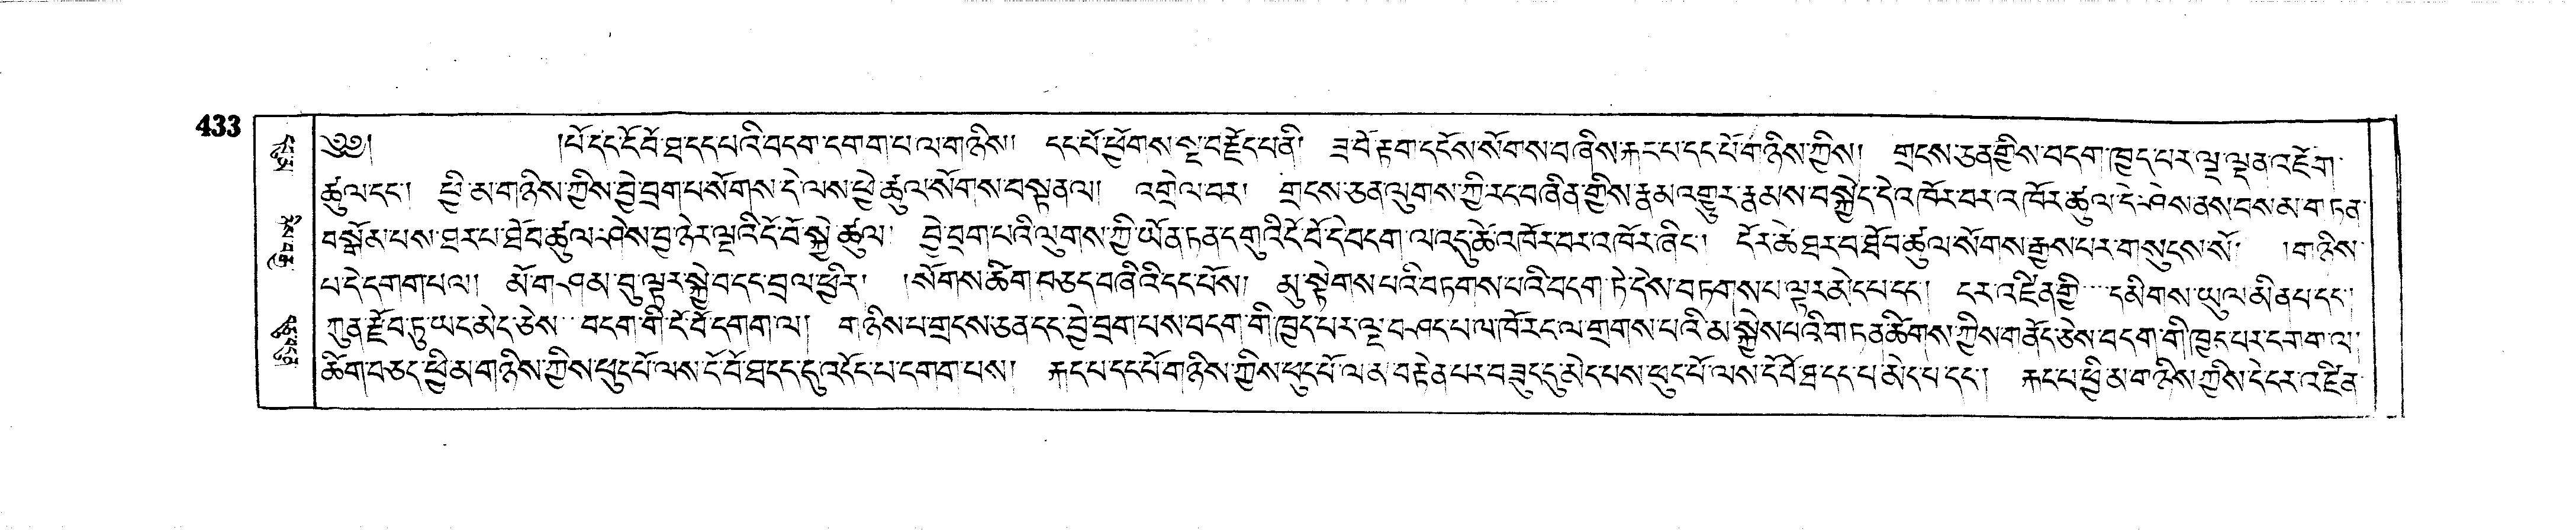༄༅། །པོ་དང་ངོ་བོ་ཐ་དད་པའི་བདག་དགག་པ་ལ་གཉིས། དང་པོ་ཕྱོགས་སྔ་བརྗོད་པ་ནི། ཟ་བོ་རྟག་དངོས་སོགས་བཞིས་རྐང་པ་དང་པོ་གཉིས་ཀྱིས། གྲངས་ཅན་གྱིས་བདག་ཁྱད་པར་ལྔ་ལྡན་འཇོག་
ཚུལ་དང་། ཕྱི་མ་གཉིས་ཀྱིས་བྱེ་བྲག་པ་སོགས་དེ་ལས་ཕྱེ་ཚུལ་སོགས་བསྟན་ལ། འགྲེལ་བར། གྲངས་ཅན་ལུགས་ཀྱི་རང་བཞིན་གྱིས་རྣམ་འགྱུར་རྣམས་བསྐྱེད་དེ་འཁོར་བར་འཁོར་ཚུལ་དེ་ཤེས་ནས་བསམ་གཏན་
བསྒོམ་པས་ཐར་པ་ཐོབ་ཚུལ་ཤེས་བྱ་ཉེར་ལྔའི་ངོ་བོ་སྐྱེ་ཚུལ། བྱེ་བྲག་པའི་ལུགས་ཀྱི་ཡོན་ཏན་དགུའི་ངོ་བོ་དེ་བདག་ལ་འདུ་ཚེ་འཁོར་བར་འཁོར་ཞིང་། དོར་ཚེ་ཐར་བ་ཐོབ་ཚུལ་སོགས་རྒྱས་པར་གསུངས་སོ། །གཉིས་
པ་དེ་དགག་པ་ལ། མོ་གཤམ་བུ་ལྟར་སྐྱེ་བ་དང་བྲལ་ཕྱིར། །སོགས་ཚིག་བཅད་བཞིའི་དང་པོས། མུ་སྟེགས་པའི་བཏགས་པའི་བདག་ཏེ་དེས་བཏགས་པ་ལྟར་མེད་པ་དང་། ངར་འཛིན་གྱི་དམིགས་ཡུལ་མིན་པ་དང་།
ཀུན་རྫོབ་ཏུ་ཡང་མེད་ཅེས་བདག་གི་ངོ་བོ་དགག་ལ། གཉིས་པ་གྲངས་ཅན་དང་བྱེ་བྲག་པས་བདག་གི་ཁྱད་པར་ལྔ་བཤད་པ་ལ་ཁོ་རང་ལ་གྲགས་པའི་མ་སྐྱེས་པའི་གཏན་ཚིགས་ཀྱིས་གནོད་ཅེས་བདག་གི་ཁྱད་པར་དགག་ལ།
ཚིག་བཅད་ཕྱི་མ་གཉིས་ཀྱིས་ཕུང་པོ་ལས་ངོ་བོ་ཐ་དད་དུ་འདོད་པ་དགག་པས། རྐང་པ་དང་པོ་གཉིས་ཀྱིས་ཕུང་པོ་ལ་མ་བརྟེན་པར་བཟུང་དུ་མེད་པས་ཕུང་པོ་ལས་ངོ་བོ་ཐ་དད་པ་མེད་པ་དང་། རྐང་པ་ཕྱི་མ་གཉིས་ཀྱིས་དེ་ངར་འཛིན་